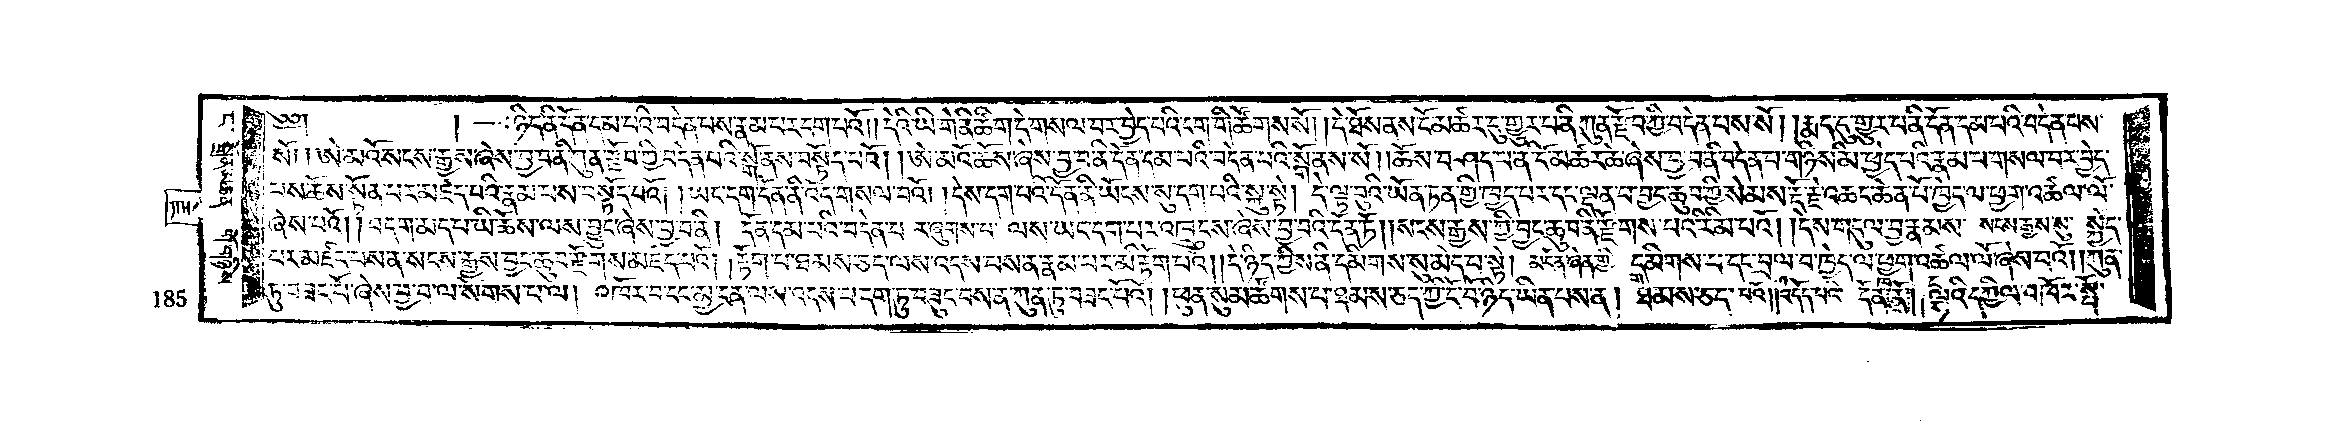༄༅། ། ཉིད་ནི་དོན་དམ་པའི་བདེན་པས་རྣམ་པར་དག་པའོ། །དོའི་ཡི་གེ་ནི་ཚིག་དེ་གསལ་བར་བྱེད་པའི་ངག་གི་ཚོགས་སོ། །དེ་ཐོས་ནས་ངོ་མཚར་དུ་གྱུར་པ་ནི་ཀུན་རྫོབ་ཀྱི་བདེན་པས་སོ། །རྨད་དུ་གྱུར་པ་ནི་དོན་དམ་པའི་བདེན་པས་
སོ། །ཨེ་མའོ་སངས་རྒྱས་ཞས་བྱ་བ་ནི་ཀུན་རྫོབ་ཀྱི་བདེན་པའི་སྒོ་ནས་བསྟོད་པའོ། །ཨེ་མའོ་ཆོས་ཞེས་བྱ་བ་ནི་དོན་དམ་པའི་བདེན་པའི་སྒོ་ནས་སོ། །ཆོས་བཤད་པ་ནི་ངོ་མཚར་ཆེ་ཞེས་བྱ་བ་ནི་བདེན་པ་གཉིས་མི་ཕྱེད་པའི་རྣམ་པ་གསལ་བར་བྱེད་
པས་ཆོས་སྟོན་པར་མཛད་པའི་རྣམ་པས་བསྟོད་པའོ། །ཡང་དག་དོན་ནི་འོད་གསལ་བའོ། །དེས་དག་པའི་དོན་ནི་ཡོངས་སུ་དག་པའི་སྐུ་སྟེ། དེ་ལྟ་བུའི་ཡོན་ཏན་གྱི་ཁྱད་པར་དང་ལྡན་པ་བྱང་ཆུབ་ཀྱི་སེམས་རྡོ་རྗེ་འཆང་ཆེན་པོ་ཁྱེད་ལ་ཕྱག་འཚལ་ལོ་
ཞས་པའོ། །བདག་མེད་པ་ཡི་ཆོས་ལས་བྱུང་ཞེས་བྱ་བ་ནི། དོན་དམ་པའི་བདེན་པར་ཞུགས་པ་ལས་ཡང་དག་པར་འཁྲུངས་ཞེས་བྱ་བའི་དོན་ཏོ། །སངས་རྒྱས་ཀྱི་བྱང་ཆུབ་ནི་རྫོགས་པའི་རིམ་པའོ། །དེས་གདུལ་བྱ་རྣམས་སངས་རྒྱས་སུ་སྐྱེད་
པར་མཛད་པས་ན་སངས་རྒྱས་བྱང་ཆུབ་རྫོགས་མཛད་པའོ། །རྟོག་པ་ཐམས་ཅད་ལས་འདས་པས་ན་རྣམ་པར་མི་རྟོག་པའོ། །དེ་ཉིད་ཀྱིས་ནི་དམིགས་སུ་མེད་པ་སྟེ། མངོན་ཞེན་གྱི་ག་དམིགས་པ་དང་བྲལ་བ་ཁྱེད་ལ་ཕྱག་འཚལ་ལོ་ཞེས་པའོ། །ཀུན་
ཏུ་བཟང་པོ་ཞེས་བྱ་བ་ལ་སོགས་པ་ལ། འཁོར་བ་དང་མྱ་ངན་ལས་འདས་པ་དག་ཏུ་བཟུང་བས་ན་ཀུན་ཏུ་བཟང་པོའོ། །ཕུན་སུམ་ཚོགས་པ་ཐམས་ཅད་ཀྱི་ངོ་བོ་ཉིད་ཡིན་པས་ན། ཐམས་ཅད་པའོ། །འདོད་པའི་དོན་ཁ་ནོ། །ལྷའི་དཀྱིལ་འཁོར་སྤྲོ་